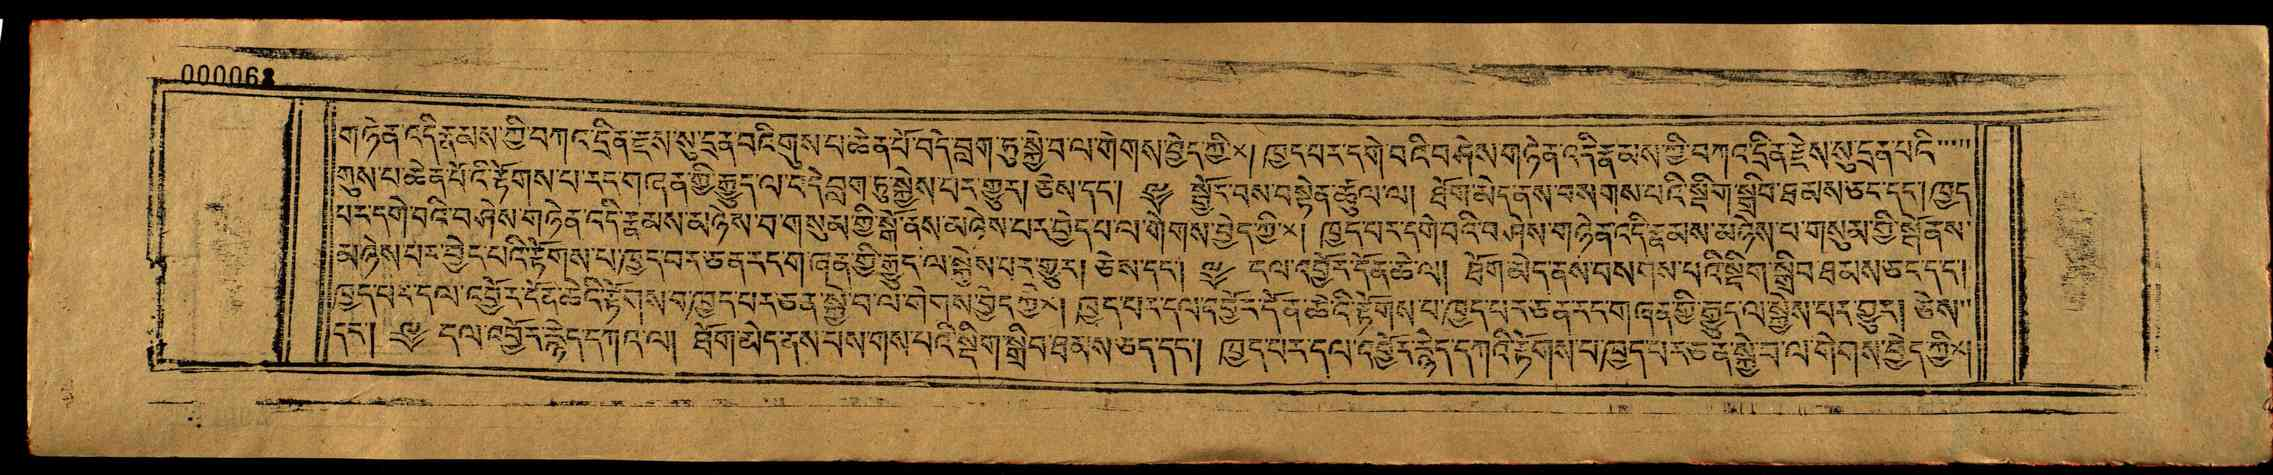གཉེན་འདི་རྣམས་ཀྱི་བཀའ་དྲིན་རྗེས་སུ་དྲན་པའི་གུས་པ་ཆེན་པོ་བདེ་བླག་ཏུ་སྐྱེ་བ་ལ་གེགས་བྱེད་ཀྱི་྾། ཁྱད་པར་དགེ་བའི་བཤེས་གཉེན་འདི་རྣམས་ཀྱི་བཀའ་དྲིན་རྗེས་སུ་དྲན་པའི་
གུས་པ་ཆེན་པོའི་རྟོགས་པ་རང་གཞན་གྱི་རྒྱུད་ལ་བདེ་བླག་ཏུ་སྐྱེས་པར་གྱུར། ཅེས་དང་། ༈ སྦྱོར་བས་བསྟེན་ཚུལ་ལ། ཐོག་མེད་ནས་བསགས་པའི་སྡིག་སྒྲིབ་ཐམས་ཅད་དང་། ཁྱད་
པར་དགེ་བའི་བཤེས་གཉེན་འདི་རྣམས་མཉེས་པ་གསུམ་གྱི་སྒོ་ནས་མཉེས་པར་བྱེད་པ་ལ་གེགས་བྱེད་ཀྱི་྾། ཁྱད་པར་དགེ་བའི་བཤེས་གཉེན་འདི་རྣམས་མཉེས་པ་གསུམ་གྱི་སྒོ་ནས་
མཉེས་པར་བྱེད་པའི་རྟོགས་པ་ཁྱད་པར་ཅན་རང་གཞན་གྱི་རྒྱུད་ལ་སྐྱེས་པར་གྱུར། ཅེས་དང་། ༈ དལ་འབྱོར་དོན་ཆེ་ལ། ཐོག་མེད་ནས་བསགས་པའི་སྡིག་སྒྲིབ་ཐམས་ཅད་དང་།
ཁྱད་པར་དལ་འབྱོར་དོན་ཆེའི་རྟོགས་པ་ཁྱད་པར་ཅན་སྐྱེ་བ་ལ་གེགས་བྱེད་ཀྱི་྾། ཁྱད་པར་དལ་འབྱོར་དོན་ཆེའི་རྟོགས་པ་ཁྱད་པར་ཅན་རང་གཞན་གྱི་རྒྱུད་ལ་སྐྱེས་པར་གྱུར། ཅེས་དང་།
༈ དལ་འབྱོར་རྙེད་དཀའ་ལ། ཐོག་མེད་ནས་བསགས་པའི་སྡིག་སྒྲིབ་ཐམས་ཅད་དང་། ཁྱད་པར་དལ་འབྱོར་རྙེད་དཀའི་རྟོགས་པ་ཁྱད་པར་ཅན་སྐྱེ་བ་ལ་གེགས་བྱེད་ཀྱི་྾།